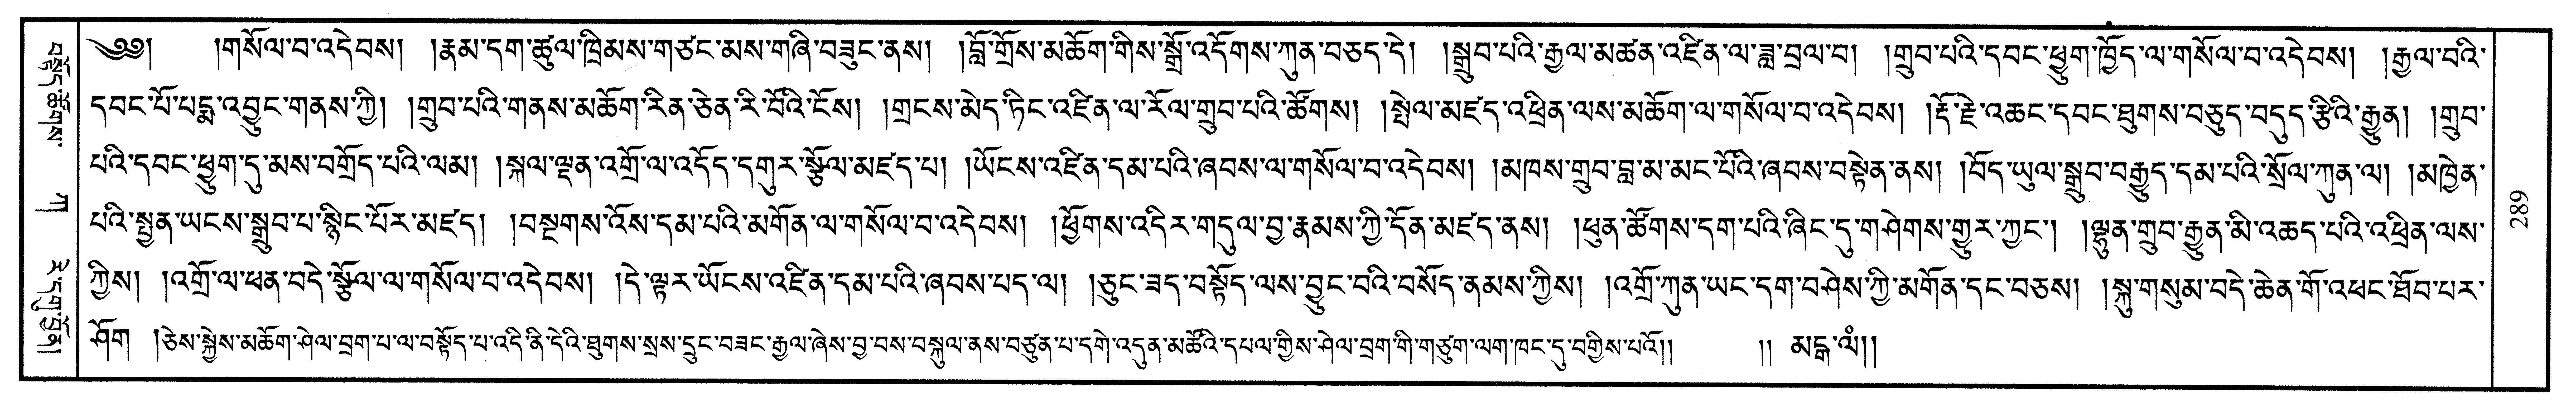༄༅། །གསོལ་བ་འདེབས། །རྣམ་དག་ཚུལ་ཁྲིམས་གཙང་མས་གཞི་བཟུང་ནས། །བློ་གྲོས་མཆོག་གིས་སྒྲོ་འདོགས་ཀུན་བཅད་དེ། །སྒྲུབ་པའི་རྒྱལ་མཚན་འཛིན་ལ་ཟླ་བྲལ་བ། །གྲུབ་པའི་དབང་ཕྱུག་བཅུད་བདུད་རྩིའི་རྒྱུན། །གྲུབ་
དབང་པོ་པདམ་འབྱུང་གནས་ཀྱི། །གྲུབ་པའི་གནས་མཆོག་རིན་ཅེན་རི་བོའི་ངོའི་ངོས། །གྲངས་མེད་ཏིང་འཛིན་ལ་རོལ་གྲུབ་པའི་ཚོགས། །སྤེལ་མཛད་འཕྲིན་ལས་མཆོག་ལ་གསོལ་བ་འདེབས། །རྡོ་རྗེ་འཆང་དབང་ཐུགས་བཅུད་བདུད་རྩིའི་རྒྱུན། །གྲུབ་
པའི་དབང་ཕྱུག་དུ་མས་བགྲོད་པའི་ལམ། །སྐལ་ལྡན་འགྲོ་ལ་འདོད་དགུར་སྩོལ་མཛད་པ། །ཡོངས་འཛིན་དམ་པའི་ཞབས་ལ་གསོལ་བ་འདེབས། །མཁས་གྲུབ་བླ་མ་མང་པོའི་ཞབས་བསྟེན་ནས། །བོད་ཡུལ་སྒྲུབ་བརྒྱུད་དམ་པའི་སྲོལ་ཀུན་ལ། །མཁྱེན་
པའི་སྤྱན་ཡངས་སྒྲུབ་པ་སྙིང་པོར་མཛད། །བསྔགས་འོས་དམ་པའི་མགོན་ལ་གསོལ་བ་འདེབས། །ཕྱོགས་འདིར་གདུལ་བྱ་རྣམས་ཀྱི་དོན་མཛད་ནས། །ཕུན་ཚོགས་དག་པའི་ཞིང་དུ་གཤེགས་གྱུར་ཀྱང་། །ལྷུན་གྲུབ་རྒྱུན་མི་འཆད་པའི་འཕྲིན་ལས་
ཀྱིས། །འགྲོ་ལ་ཕན་བདེ་སྩོལ་ལ་གསོལ་བ་འདེབས། །དེ་ལྟར་ཡོངས་འཛིན་དམ་པའི་ཞབས་པད་ལ། །ཅུང་ཟད་བསྟོད་ལས་བྱུང་བའི་བསོད་ནམས་ཀྱིས། །འགྲོ་ཀུན་ཡང་དག་བཤེས་ཀྱི་མགོན་དང་བཅས། །སྐུ་གསུམ་བདེ་ཆེན་གོ་འཕང་ཐོབ་པར་
ཤོག །ཅེས་སྐྱེས་མཆོག་ཤེལ་བྲག་པ་ལ་བསྟོད་པ་འདི་ནི་དེའི་ཐུགས་སྲས་དྲུང་བཟང་རྒྱལ་ཞེས་བྱ་བས་བསྐུལ་ནས་བཙུན་པ་དགེ་འདུན་མཚོའི་དཔལ་གྱིས་ཤེལ་བྲག་གི་གཙུག་ལག་ཁང་བགྱིས་པའོ།། །། ༈ མངྒ་ལཾ།